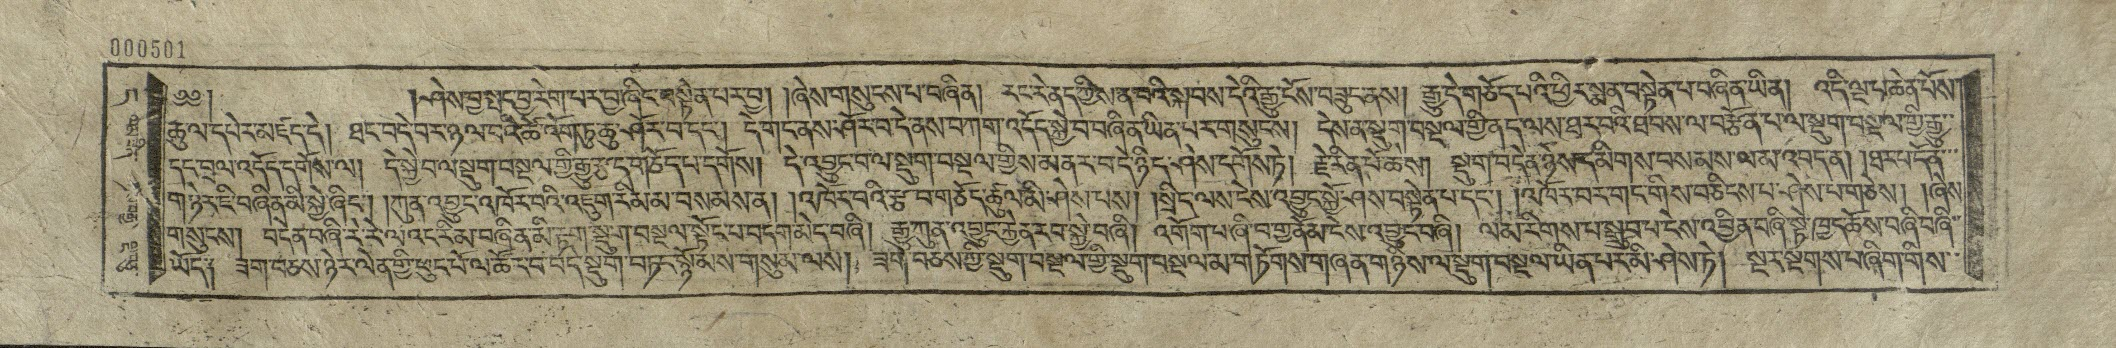༄༅། །ཤེས་བྱ་སྤང་བྱ་རེག་པར་བྱ་ཞིང་བསྟེན་པར་བྱ། །ཞེས་གསུངས་པ་བཞིན། རང་རེ་ནད་ཀྱིས་ན་བའི་སྐབས་དེའི་རྒྱུ་ངོས་བཟུང་ནས། རྒྱུ་དེ་གཅོད་པའི་ཕྱིར་སྨན་བསྟེན་པ་བཞིན་ཡིན། འདི་ལྔ་པ་ཆེན་པོས་
ཆུ་ལ་དཔེར་མཛད་དེ། ཐང་བདེ་བར་ཉལ་བའི་ཚེ་འོག་ཏུ་ཆུ་ཤོར་བ་དང་། དེ་གང་ནས་ཤོར་བ་དེ་ནས་བཀག་འདོད་སྐྱེ་བ་བཞིན་ཡིན་པར་གསུངས། དེས་ན་སྡུག་བསྔལ་གྱི་ནད་ལས་ཐར་བའི་ཐབས་ལ་བརྩོན་པ་ལ་སྡུག་བསྔལ་གྱི་རྒྱུ་
དང་བྲལ་འདོད་དགོས་ལ། དེ་སྐྱེ་བ་ལ་སྡུག་བསྔལ་གྱི་རྒྱུ་རྩད་གཅོད་པ་དགོས། དེ་འབྱུང་བ་ལ་སྡུག་བསྔལ་གྱིས་མནར་བ་དེ་ཉིད་ཤེས་དགོས་ཏེ། རྗེ་རིན་པོ་ཆེས། སྡུག་བདེན་ཉེས་དམིགས་བསམས་ལ་མ་འབད་ན། །ཐར་པ་དོན་
གཉེར་ཇི་བཞིན་མི་སྐྱེ་ཞིང་། །ཀུན་འབྱུང་འཁོར་བའི་འཇུག་རིམ་མ་བསམས་ན། །འཁོར་བའི་རྩ་བ་གཅོད་ཚུལ་མི་ཤེས་པས། །སྲིད་ལས་ངེས་འབྱུང་སྐྱོ་ཤས་བསྟེན་པ་དང་། །འཁོར་བར་གང་གིས་བཅིངས་པ་ཤེས་པ་གཅེས། །ཞེས་
གསུངས། བདེན་བཞི་རེ་རེ་ལའང་རིམ་བཞིན་མི་རྟག་སྡུག་བསྔལ་སྟོང་པ་བདག་མེད་བཞི། རྒྱུ་ཀུན་འབྱུང་རྐྱེན་རབ་སྐྱེ་བཞི། འགོག་པ་ཞི་བ་གྱ་ནོམ་ངེས་འབྱུང་བཞི། ལམ་རིགས་པ་སྒྲུབ་པ་ངེས་འབྱིན་བཞི་སྟེ་ཁྱད་ཆོས་བཞི་བཞི་
ཡོད༑ ཟག་བཅས་ཉེར་ལེན་གྱི་ཕུང་པོ་ལ་ཚོར་བ་བདེ་སྡུག་བཏང་སྙོམས་གསུམ་ལས། ཟག་བཅས་ཀྱི་སྡུག་བསྔལ་གྱི་སྡུག་བསྔལ་མ་གཏོགས་གཞན་གཉིས་ལ་སྡུག་བསྔལ་ཡིན་པར་མི་ཤེས་ཏེ། སྔར་སྔགས་པ་ཞིག་གིས་